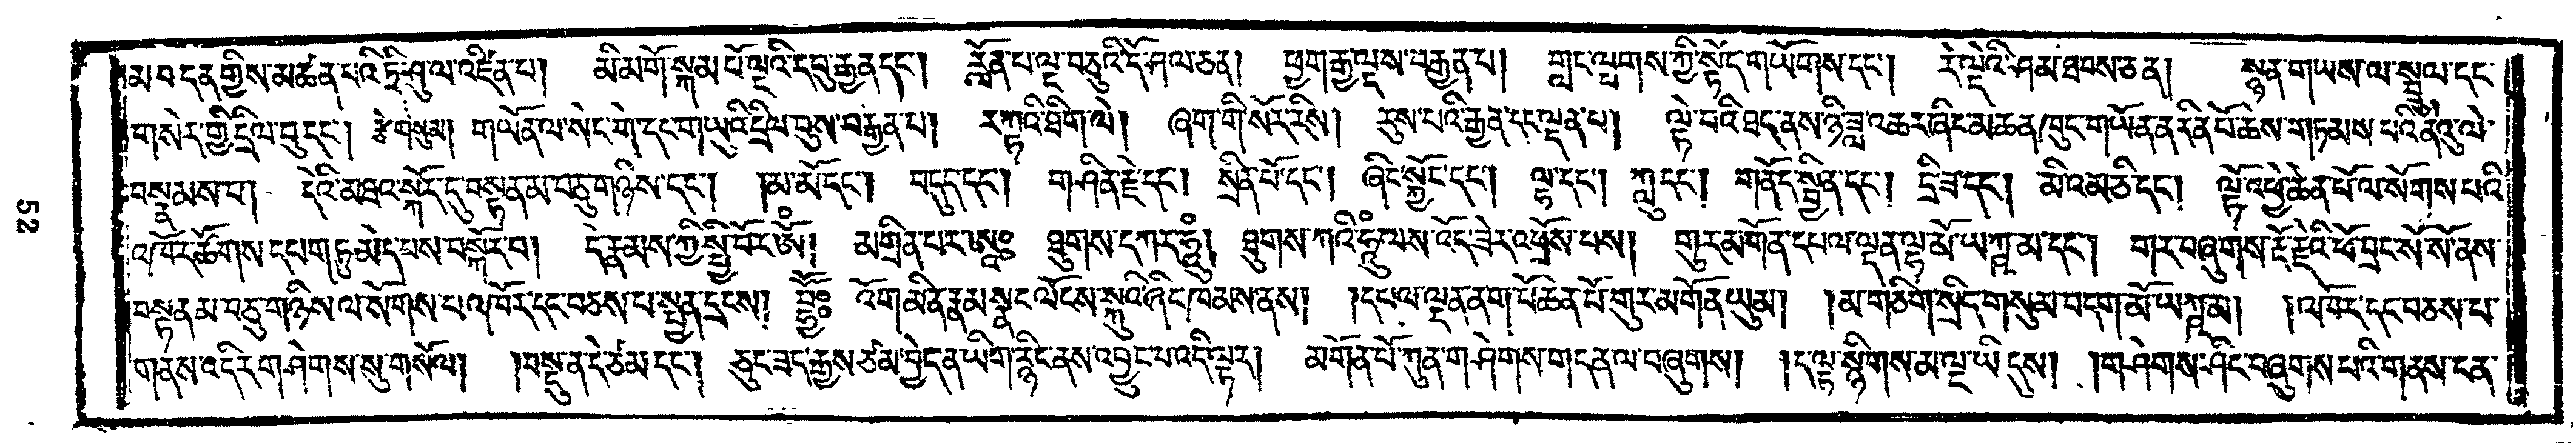མ་བ་དན་གྱིས་མཚན་པའི་ཏྲི་ཤུ་ལ་འཛིན་པ། མི་མགོ་སྐམ་པོ་ལྔའི་དབུ་རྒྱན་དང་། རློན་པ་ལྔ་བཅུའི་དོ་ཤལ་ཅན། ཕྱག་རྒྱ་ལྡས་བརྒྱན་པ། གླང་ལྤགས་ཀྱི་སྟོད་གཡོགས་དང་། རེ་ལྡེའི་ཤམ་ཐབས་ཅན། སྙན་གཡས་ལ་སྦྲུལ་དང་
གསེར་གྱི་དྲིལ་བུ་དང་། རྩེ་གསུམ།  གཡོན་ལ་སེང་གེ་དང་གཡུའི་དྲིལ་བུས་བརྒྱན་པ། རཀྟའི་ཐིག་ལེ། ཞག་གི་སོར་རིས། རུས་པའི་རྒྱན་དང་ལྡན་པ། ལྟེ་བའི་ཐད་ནས་ཉི་ཟླ་འཆར་ཞིང་མཆན་ཁུང་གཡོན་ན་རིན་པོ་ཆེས་གཏམས་པའི་ནེའུ་ལེ་
བསྣམས་པ། དེའི་མཐའ་སྐོར་དུ་བསྟན་མ་བཅུ་གཉིས་དང་། །མ་མོ་དང་། བདུད་དང་། གཤིན་རྗེ་དང་། སྲིན་པོ་དང་། ཞིང་སྐྱོང་དང་། ལྷ་དང་། ཀླུ་དང་། གནོད་སྦྱིན་དང་། དྲི་ཟ་དང་། མིའམ་ཅི་དང་། ལྟོ་འཕྱེ་ཆེན་པོ་ལ་སོགས་པའི་
འཁོར་ཚོགས་དཔག་ཏུ་མེད་པས་བསྐོར་བ། དེ་རྣམས་ཀྱི་སྤྱི་བོར་ཨོཾ། མགྲིན་པར་ཨཱཿ ཐུགས་དཀར་ཧཱུཾ། ཐུགས་ཀའི་ཧཱུཾ་ལས་འོད་ཟེར་འཕྲོས་པས། གུར་མགོན་དཔལ་ལྡན་ལྷ་མོ་ཡཀྵ་མ་དང་། གར་བཞུགས་རྡོ་རྗེའི་ཕོ་བྲང་སོ་སོ་ནས་
བསྟན་མ་བཅུ་གཉིས་ལ་སོགས་པ་འཁོར་དང་བཅས་པ་སྤྱན་དྲངས། བྷྱཽཿ འོག་མིན་རྣམ་སྣང་ལོངས་སྐུའི་ཞིང་ཁམས་ནས། །དཔལ་ལྡན་ནག་པོ་ཆེན་པོ་གྱུར་མགོན་ཡུམ། །མ་གཅིག་སྲིད་གསུམ་བདག་མོ་ཡཀྵ་མ། །འཁོར་དང་བཅས་པ་
གནས་འདིར་གཤེགས་སུ་གསོལ། །བསྡུ་ན་དེ་ཙམ་དང་། ཅུང་ཟད་རྒྱས་ཙམ་བྱེད་ན་ཡིག་རྙིང་ནས་འབྱུང་པ་འདི་ལྟར། མགོན་པོ་ཀུན་གཤེགས་གདན་ལ་བཞུགས། །ད་ལྟ་སྙིགས་མ་ལྔ་ཡི་དུས། །གཤེགས་ཤིང་བཞུགས་པའི་གནས་ངན་